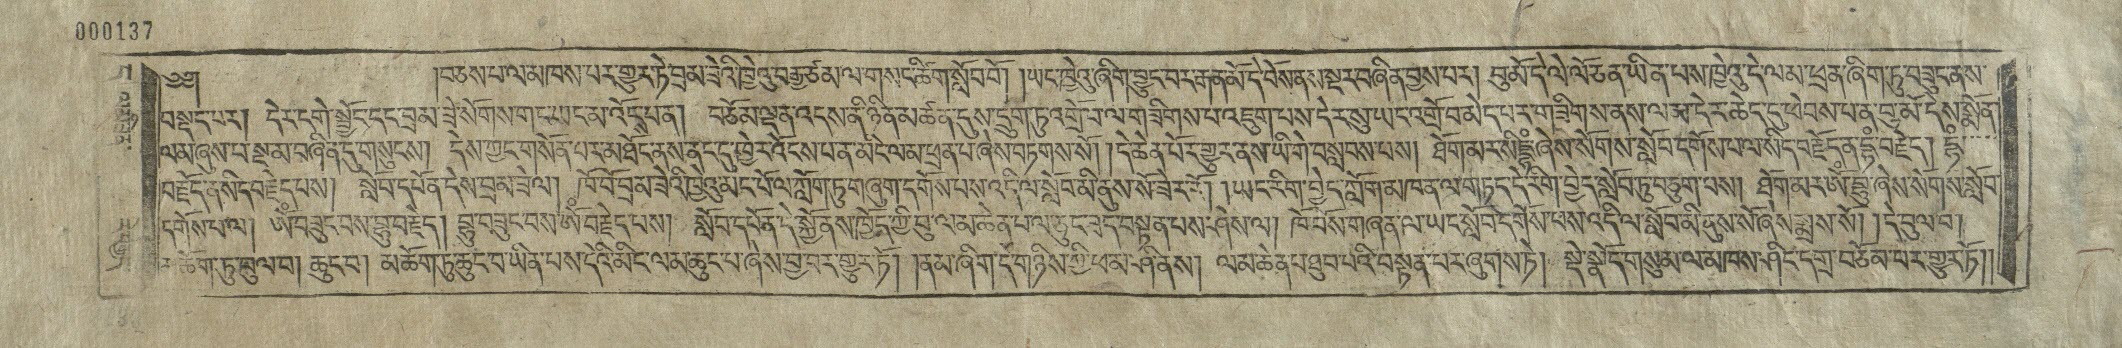༄༅། །བཅས་པ་ལ་མཁས་པར་གྱུར་ཏེ་བྲམ་ཟེའི་ཁྱེའུ་བརྒྱ་ཙམ་ལ་གསང་ཚིག་སློབ་བོ། །ཡང་ཁྱེའུ་ཞིག་བྱུང་བར་རྒན་མོ་དེ་བོས་ནས་སྔར་བཞིན་བྱས་པར། བུ་མོ་དེ་ལེ་ལོ་ཅན་ཡིན་པས་ཁྱེའུ་དེ་ལམ་ཕྲན་ཞིག་ཏུ་བཟུང་ནས་
བསྡད་པར། དེར་དགེ་སྦྱོང་དང་བྲམ་ཟེ་སོགས་གང་ཡང་མ་འོངས་པ་ན། བཅོམ་ལྡན་འདས་ནི་ཉིན་མཚན་དུས་དྲུག་ཏུ་འགྲོ་བ་ལ་གཟིགས་པ་འཇུག་པས་དེར་སུ་ཡང་འགྲོ་བ་མེད་པར་གཟིགས་ནས་ལམ་དེར་ཆེད་དུ་ཕེབས་པ་ན་བུ་མོ་དེས་སྨོན་
ལམ་ཞུས་པ་སྔ་མ་བཞིན་དུ་གསུངས། དེས་ཀྱང་གསོན་པར་མཐོང་ནས་ནང་དུ་ཁྱེར་འོངས་པ་ན་མིང་ལམ་ཕྲན་པ་ཞེས་བཏགས་སོ། །དེ་ཆེན་པོར་གྱུར་ནས་ཡི་གེ་བསླབས་པས། ཐོག་མར་སིདྡྷཾ་?་ཞེས་སོགས་སློབ་དགོས་པ་ལ་སིད་བརྗོད་ན་དྷཾ་བརྗེད། དྷཾ་
བརྗོད་ན་སིད་བརྗེད་པས། སློབ་དཔོན་དེས་བྲམ་ཟེ་ལ། ཁོ་བོ་བྲམ་ཟེའི་ཁྱེའུ་མང་པོ་ལ་ཀློག་ཏུ་གཞུག་དགོས་པས་འདི་ལ་སློབ་མི་ནུས་སོ་ཟེར་རོ། །ཡང་རིག་བྱེད་ཀློག་མཁན་ལ་གཏད་དེ་རིག་བྱེད་སློབ་ཏུ་བཅུག་པས། ཐོག་མར་ཨོཾ་བྷུ་ཞེས་སོགས་སློབ་
དགོས་པ་ལ། ཨོཾ་བཟུང་བས་བྷུ་བརྗེད། བྷུ་བཟུང་བས་ཨོཾ་བརྗེད་པས། སློབ་དཔོན་དེ་སྐྱོ་ནས་ཁྱོད་ཀྱི་བུ་ལམ་ཆེན་པ་ལ་ཅུང་ཟད་བསྟན་པས་ཤེས་ལ། ཁོ་བོས་གཞན་ལ་ཡང་སློབ་དགོས་པས་འདི་ལ་སློབ་མི་ནུས་སོ་ཞེས་སྨྲས་སོ། །དེ་བུལ་བ།
མཆོག་ཏུ་བུལ་བ། ཆུང་བ། མཆོག་ཏུ་ཆུང་བ་ཡིན་པས་དེའི་མིང་ལམ་ཆུང་པ་ཞེས་བྱ་བར་གྱུར་ཏོ། །ནམ་ཞིག་དེ་གཉིས་ཀྱི་ཕ་མ་ཤི་ནས། ལམ་ཆེན་པ་ཐུབ་པའི་བསྟན་པར་ཞུགས་ཏེ། སྡེ་སྣོད་གསུམ་ལ་མཁས་ཤིང་དགྲ་བཅོམ་པར་གྱུར་ཏོ།།